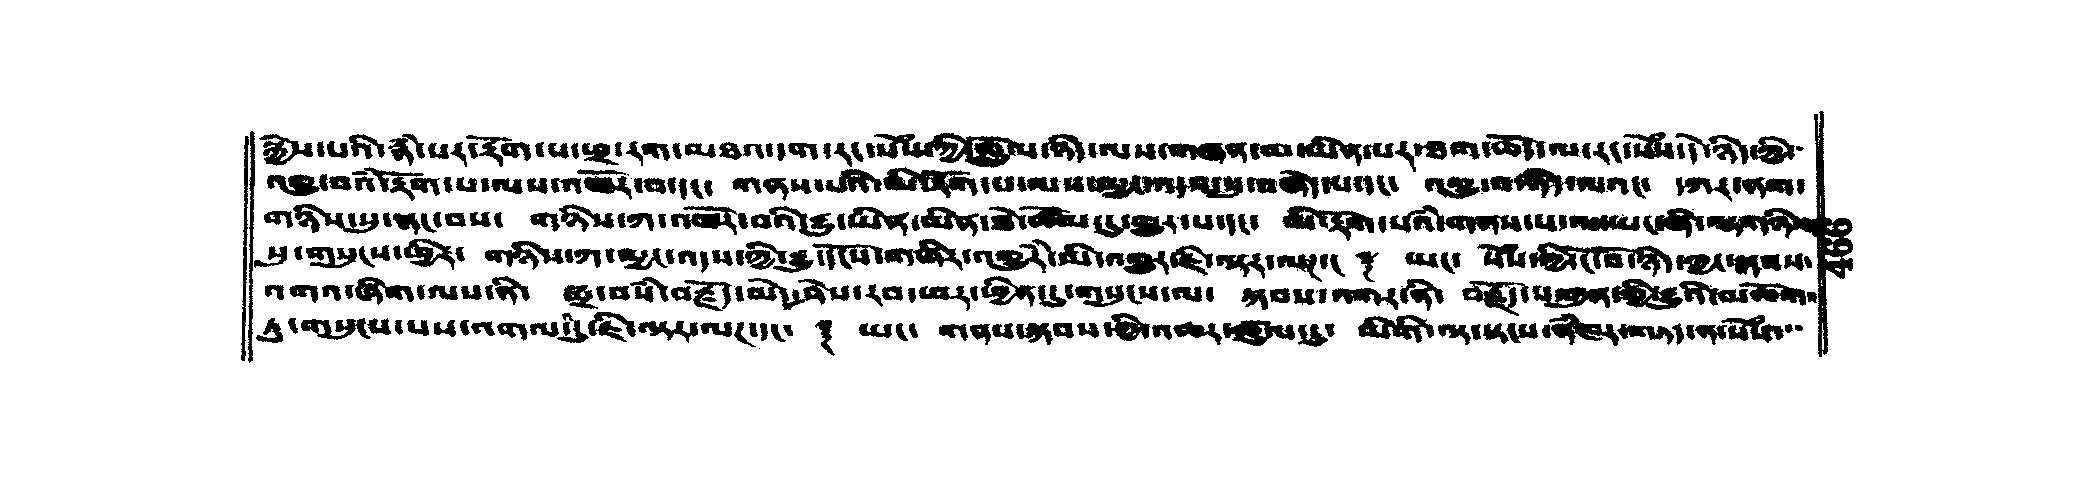སྐྱེས་པའི་རྣམ་པར་རྟོག་པ་ཕྲ་རགས་མཐའ་དག་རང་སེམས་ཀྱི་ཆོ་འཕྲུལ་ཉིད་ལས་གཞན་མ་ཡིན་པར་ཐག་ཆོད་ལ་རང་སེམས་དེ་ཉིད་ཀྱི་
འགྱུ་བའམ་རྟོག་པ་ལ་འཁོར་བ་དང་། གནས་པའི་མི་རྟོག་པ་ལ་མྱང་འདས་སུ་བཞེད་པ་དང་། འགྱུ་བ་ཉིད་ལའང་། དཀར་ནག་
གཉིས་སུ་སྣང་བས། གཉིས་ཀ་འཁོར་བའི་རྡྱུ་ཡིན་མིན་ཐེ་ཚོམ་དུ་གྱུར་པ་དང་། མི་རྟོག་པའམ་གནས་པ་ལ་ཡང་ཞི་ལྷག་གཉིས་
སུ་གསུངས་ཕྱིར། གཉིས་ཀ་མྱང་འདས་ཀྱི་རྒྱུ་དངོས་གཞིར་འགྱུར་རམ་མི་འགྱུར་ཇི་ལྟར་ལགས། ཡང་སེམས་ཀྱི་ངོ་བོ་ཉིད་ཀྱང་སྐབས་
འགའ་ཞིག་ལས་ནི། སྨྲ་བསམ་བརྗོད་མེད་ཤེས་རབ་ཕར་ཕྱིན་དུ་གསུངས་ལ། སྐབས་འགར་ནི། བརྗོད་པ་ཀུན་གྱི་རྒྱུའི་མཆོག་
ཏུ་གསུངས་པས་འགལ་འདུ་ཇི་ལྟར་ལགས་དང་། ༈ ཡང་གནས་སྐབས་ཀྱི་འཆར་ཚུལ་དུ། མིག་གི་ལྟ་སྟངས་ནམ་མཁར་གཏད་ན་སེམས་